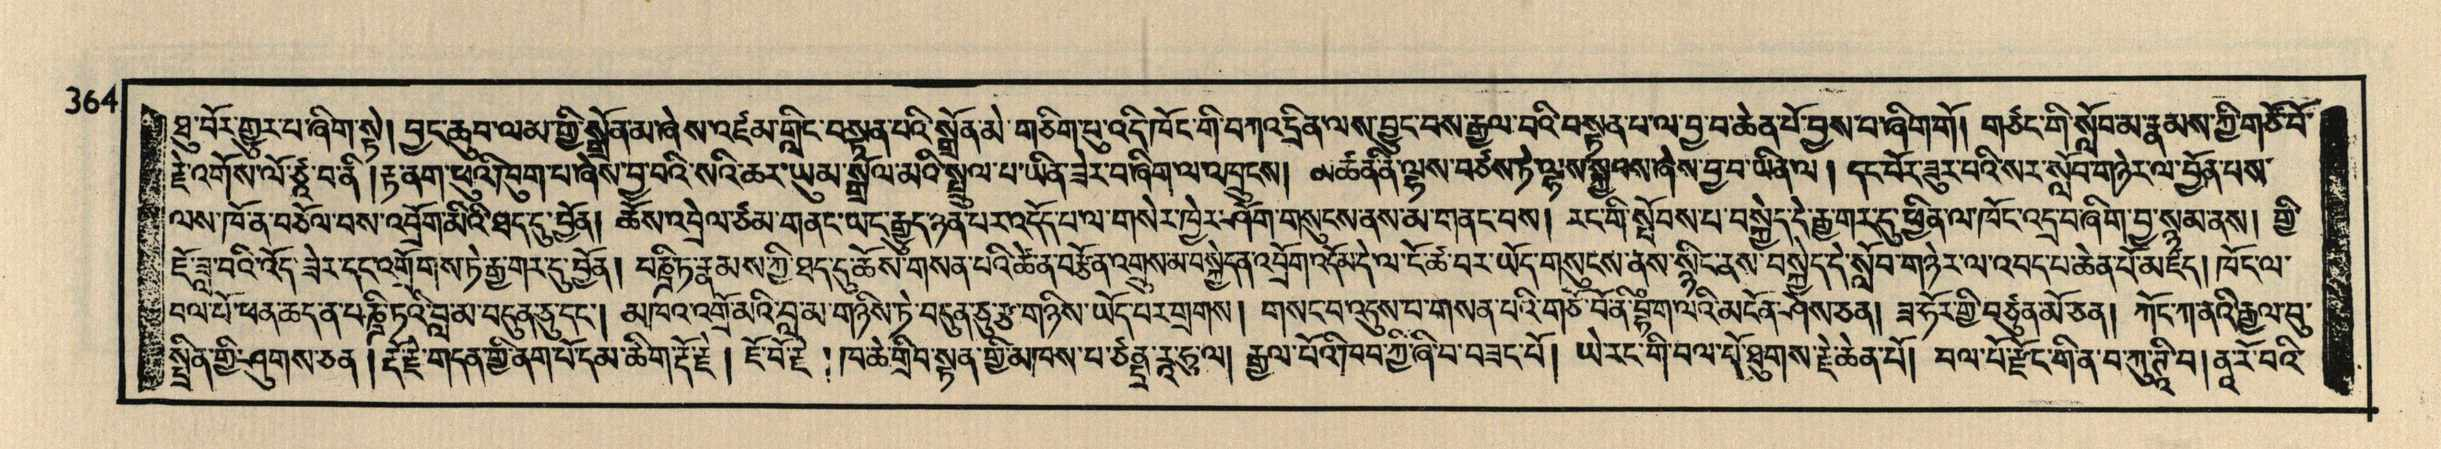ཐུ་བོར་གྱུར་པ་ཞིག་སྟེ། བྱང་ཆུབ་ལམ་གྱི་སྒྲོལ་མ་ཞེས་འཛམ་གླིང་བསྟན་པའི་སྒྲོན་མེ་གཅིག་པུ་འདི་ཁོང་གི་བཀའ་དྲིན་ལས་བྱུང་བས་རྒྱལ་བའི་བསྟན་པ་ལ་བྱ་བ་ཆེན་པོ་བྱས་བ་ཞིག་གོ། གཙང་གི་སློབ་མ་རྣམས་ཀྱི་གཙོ་བོ་
རྗེ་འགོས་ལ་ཙཱ་བ་ནི། རྟ་ནག་ཕུའི་ཁུག་པ་ཞེས་བྱ་བའི་སའི་ཆར་ཡུམ་སྒྲོལ་མའི་སྤྲུལ་པ་ཡིན་ཟེར་བ་ཞིག་ལ་འཁྲུངས། མཚན་ནི་ལྷས་བཙས་ཏེ་ལྷས་སྐྱབས་ཞེས་བྱ་བ་ཡིན་ལ། དང་པོར་ཟུར་པའི་སར་སློབ་གཉེར་ལ་བྱོན་པས་
ལས་ཁོ་ན་བཅོལ་བས་འབྲོག་མིའི་ཐད་དུ་བྱོན། ཆོས་འབྲེལ་ཙམ་གནང་ཡང་རྒྱུད་ཉན་པར་འདོད་པ་ལ་གསེར་ཁྱེར་ཤོག་གསུངས་ནས་མ་གནང་བས། རང་གི་སྤོབས་པ་བསྐྱེད་དེ་རྒྱ་གར་དུ་ཕྱིན་ལ་ཁོང་འདྲ་བ་ཞིག་བྱ་སྙམ་ནས། གྱི་
ཇོ་ཟླ་བའི་འོད་ཟེར་དང་འགྲོགས་ཏེ་རྒྱ་གར་དུ་བྱོན། པཎྜི་ཏ་རྣམས་ཀྱི་ཐད་དུ་ཆོས་གསན་པའི་ཚེ་ན་བརྩོན་འགྲུས་མ་བསྐྱེད་ན་འབྲོག་འདོམ་དེ་ལ་ངོ་ཚ་བར་ཡོད་གསུངས་ནས་སྙིང་ནས་བསྐྱེད་དེ་སློབ་གཉེར་ལ་འབད་པ་ཆེན་པོ་མཛད། ཁོང་ལ་
བལ་པོ་ཕན་ཆད་ན་པཎྜི་ཏའི་བླ་མ་བདུན་ཅུ་དང་། མཁའ་འགྲོ་མའི་བླ་མ་གཉིས་ཏེ་བདུན་ཅུ་རྩ་གཉིས་ཡོད་བར་གྲགས། གསང་བ་འདུས་པ་གསན་པའི་གཙོ་བོ་ནི་བྷཾ་ག་ལའི་མངོན་ཤེས་ཅན། ཟ་ཧོར་གྱི་བཙུན་མོ་ཅན། ཀོང་ཀ་ནའི་རྒྱལ་བུ་
སྤྲིན་གྱི་ཤུགས་ཅན། རྡོ་རྗེ་གདན་གྱི་ནག་པོ་དམ་ཚིག་རྡོ་རྗེ། ཇོ་བོ་རྗེ། ཁ་ཆེ་གྲིབ་སྟན་གྱི་མཁས་པ་ཙནྡྲ་རཱ་ཧུ་ལ། རྒྱལ་པོའི་ཁབ་ཀྱི་ཞིབ་བཟང་པོ། ཡེ་རང་གི་བལ་པོ་ཐུགས་རྗེ་ཆེན་པོ། བལ་པོ་རྫོང་གི་ན་བ་ཀུ་ཊཱི་བ། ནཱ་རོ་བའི་